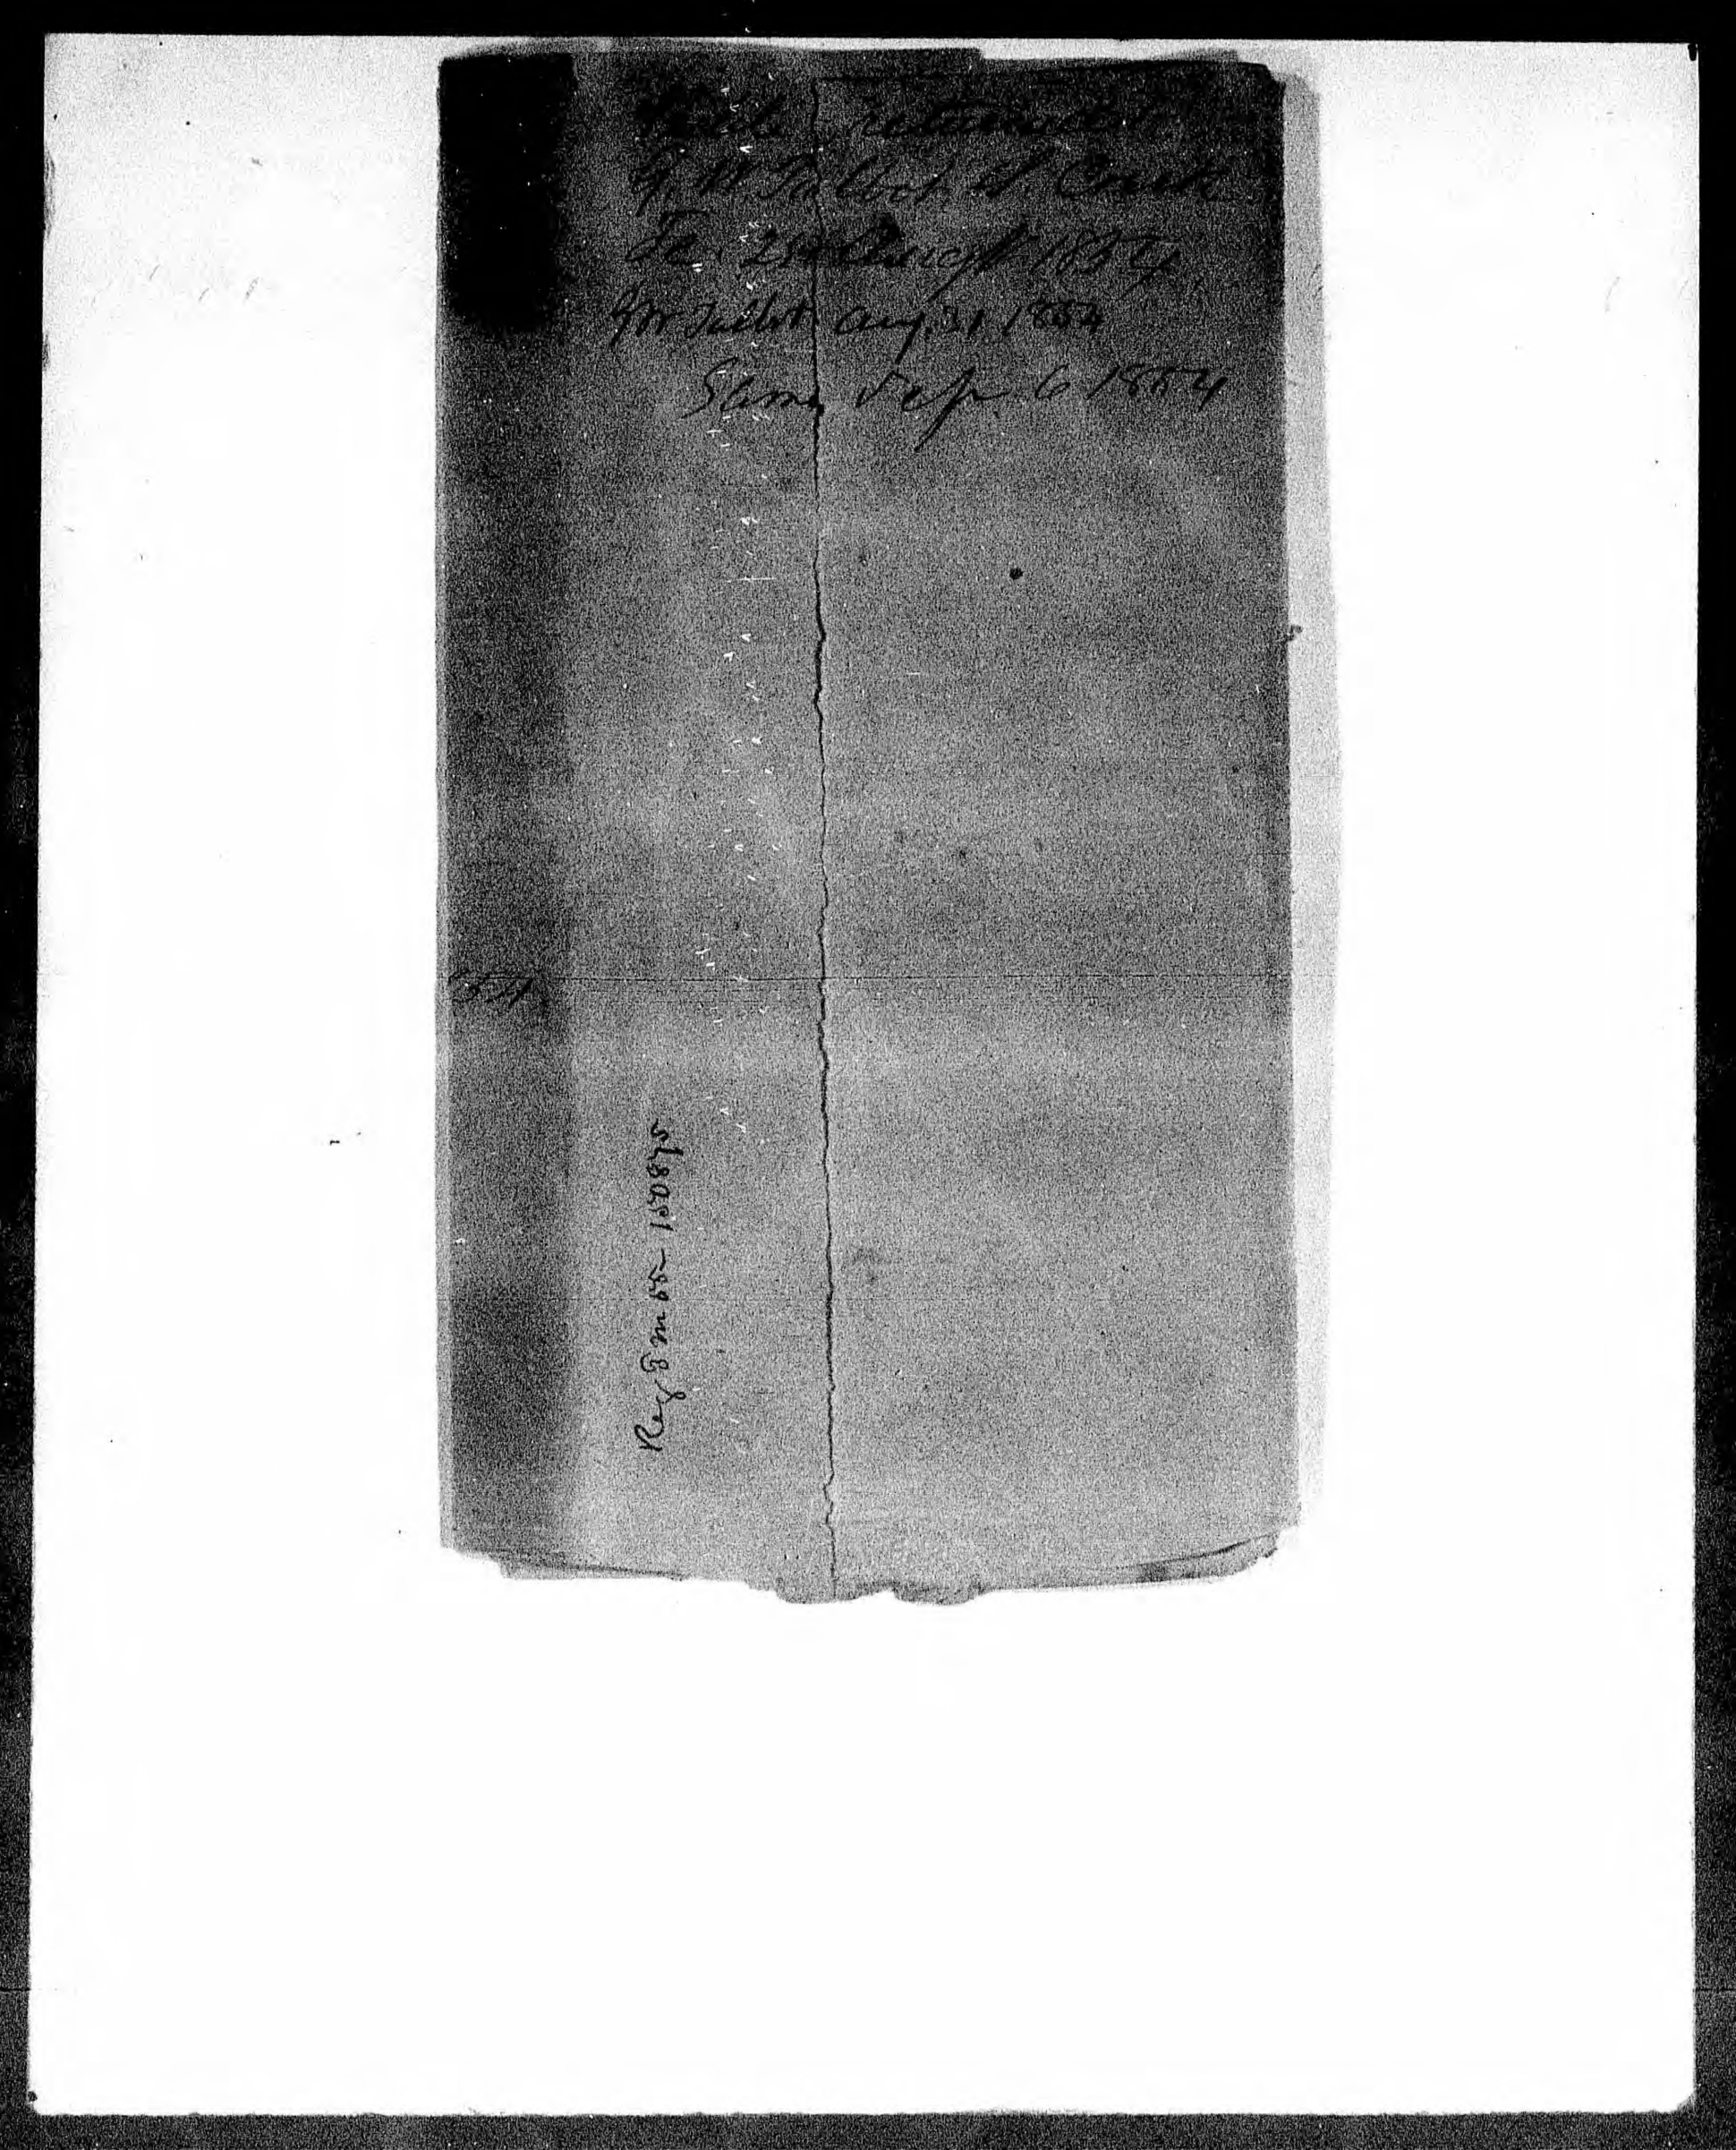[first line illegible]
G.W. Talbot s. Creek
[illegible] 25 Aug 1854
G.W.Talbon Aug 31 1854
Same, Sep 6 1854


Reg T M 65- 150875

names: G W Talbot, G W Talbot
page: 7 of 91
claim: widow's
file: W 358, John Grider, N.C.